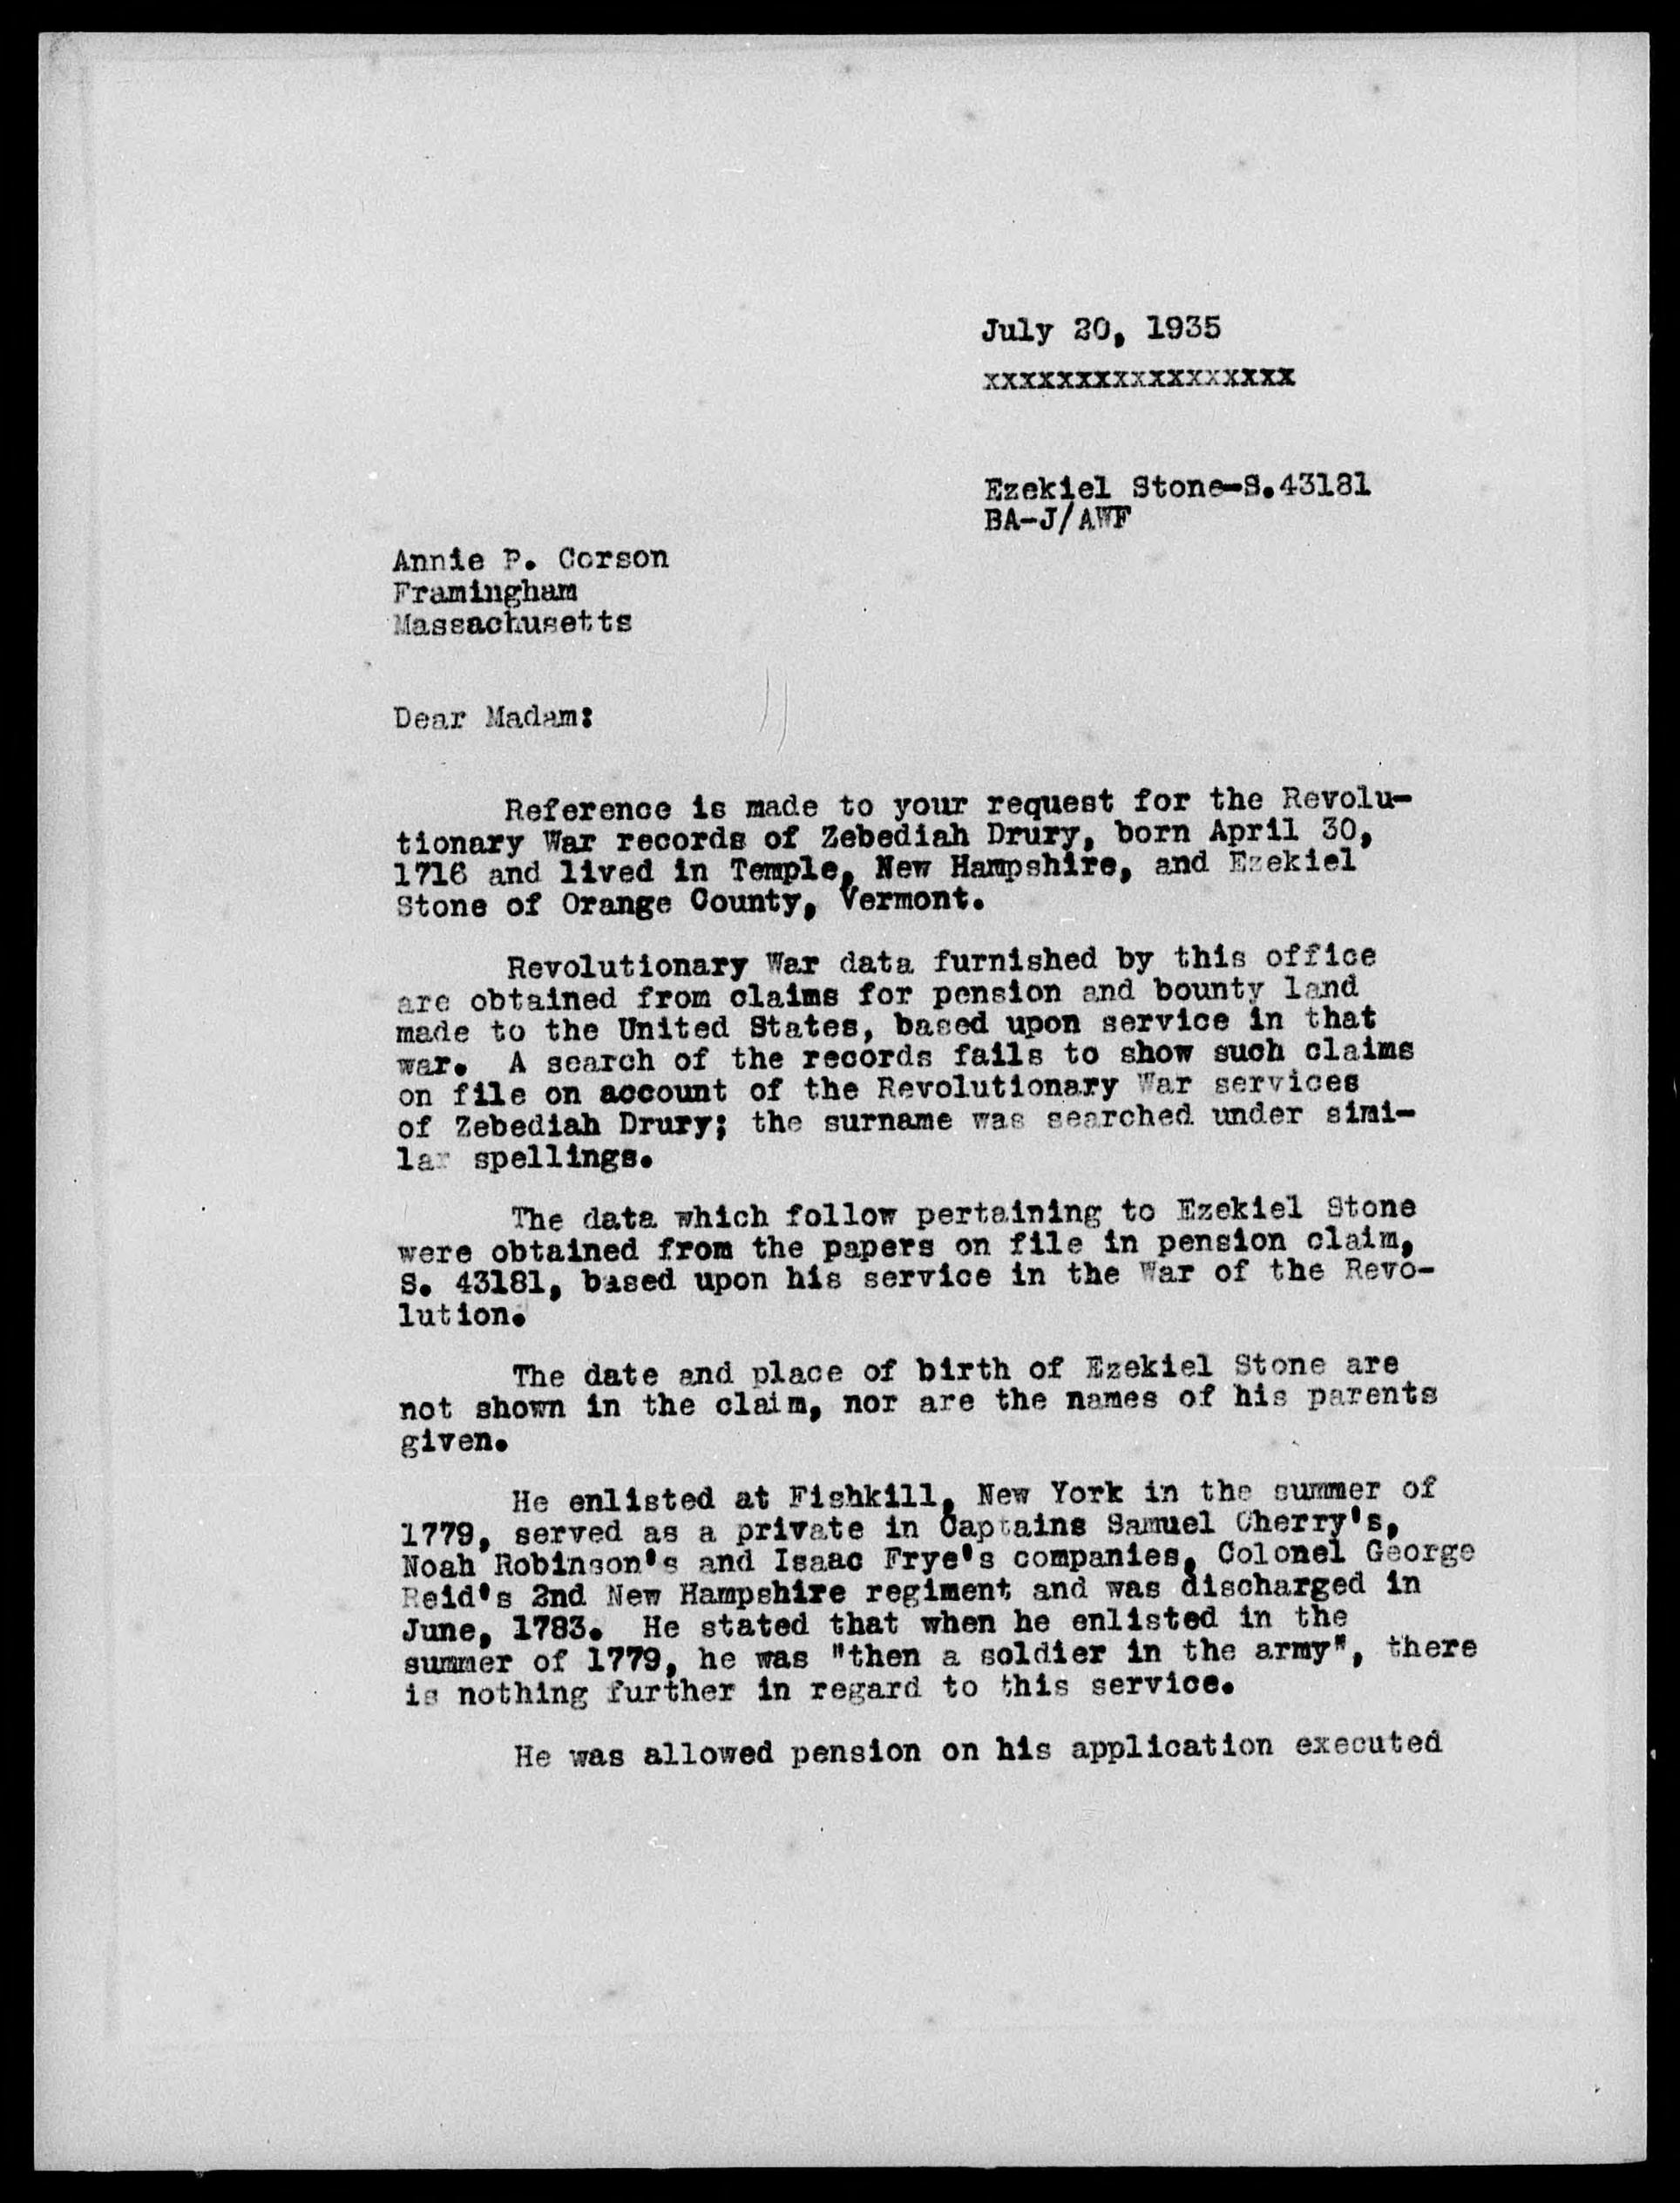July 20, 1935
xxxxxxxxxxxxxxxxxxx

Ezekiel Stone--S.43181
BA-J/AWF

Annie P. Corson
Framingham
Massachusetts

Dear Madam:

Reference is made to your request for the Revolutionary War recors of Zebediah Drury, born April 30, 1716 and lived in Temple, New Hampshire, and Ezekiel Stone of Orange County, Vermont.

Revolutionary War data furnished by this office are obtained from claims for pension and bounty land made to the United States, based upon service in that war.  A search of the records fails to show such claims on file on account of the Revolutionary War services of Zebediah Drury; the surname was searched under similar spellings.

The data which follow pertaining to Ezekiel Stone were obtained from the papers on file in pension claim, S. 43181, based upon his service in the War of the Revolution.

The date and place of birth of Ezekiel Stone are not shown in the claim, nor are the names of his parents given.

He enlisted at Fishkill, New York in the summer of 1779, served as a private in Captains Samuel Cherry's, Noah Robinson's and Isaac Frye's companies, Colonel George Reid's 2nd Hew Hampshire regiment and was discharged in June, 1783.  He stated that when he enlisted in the summer of 1779, he was "then a soldier in the army", there is nothing further in regard to this service.

He was allowed pension on his application executed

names: Ezekiel Stone; Zebediah Drury; Zebediah Drury; Annie P Corson; Ezekiel Stone; Ezekiel Stone; Ezekiel Stone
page: 18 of 38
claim: survivor's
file: S. 43181, for Ezekiel Stone, New Hampshire